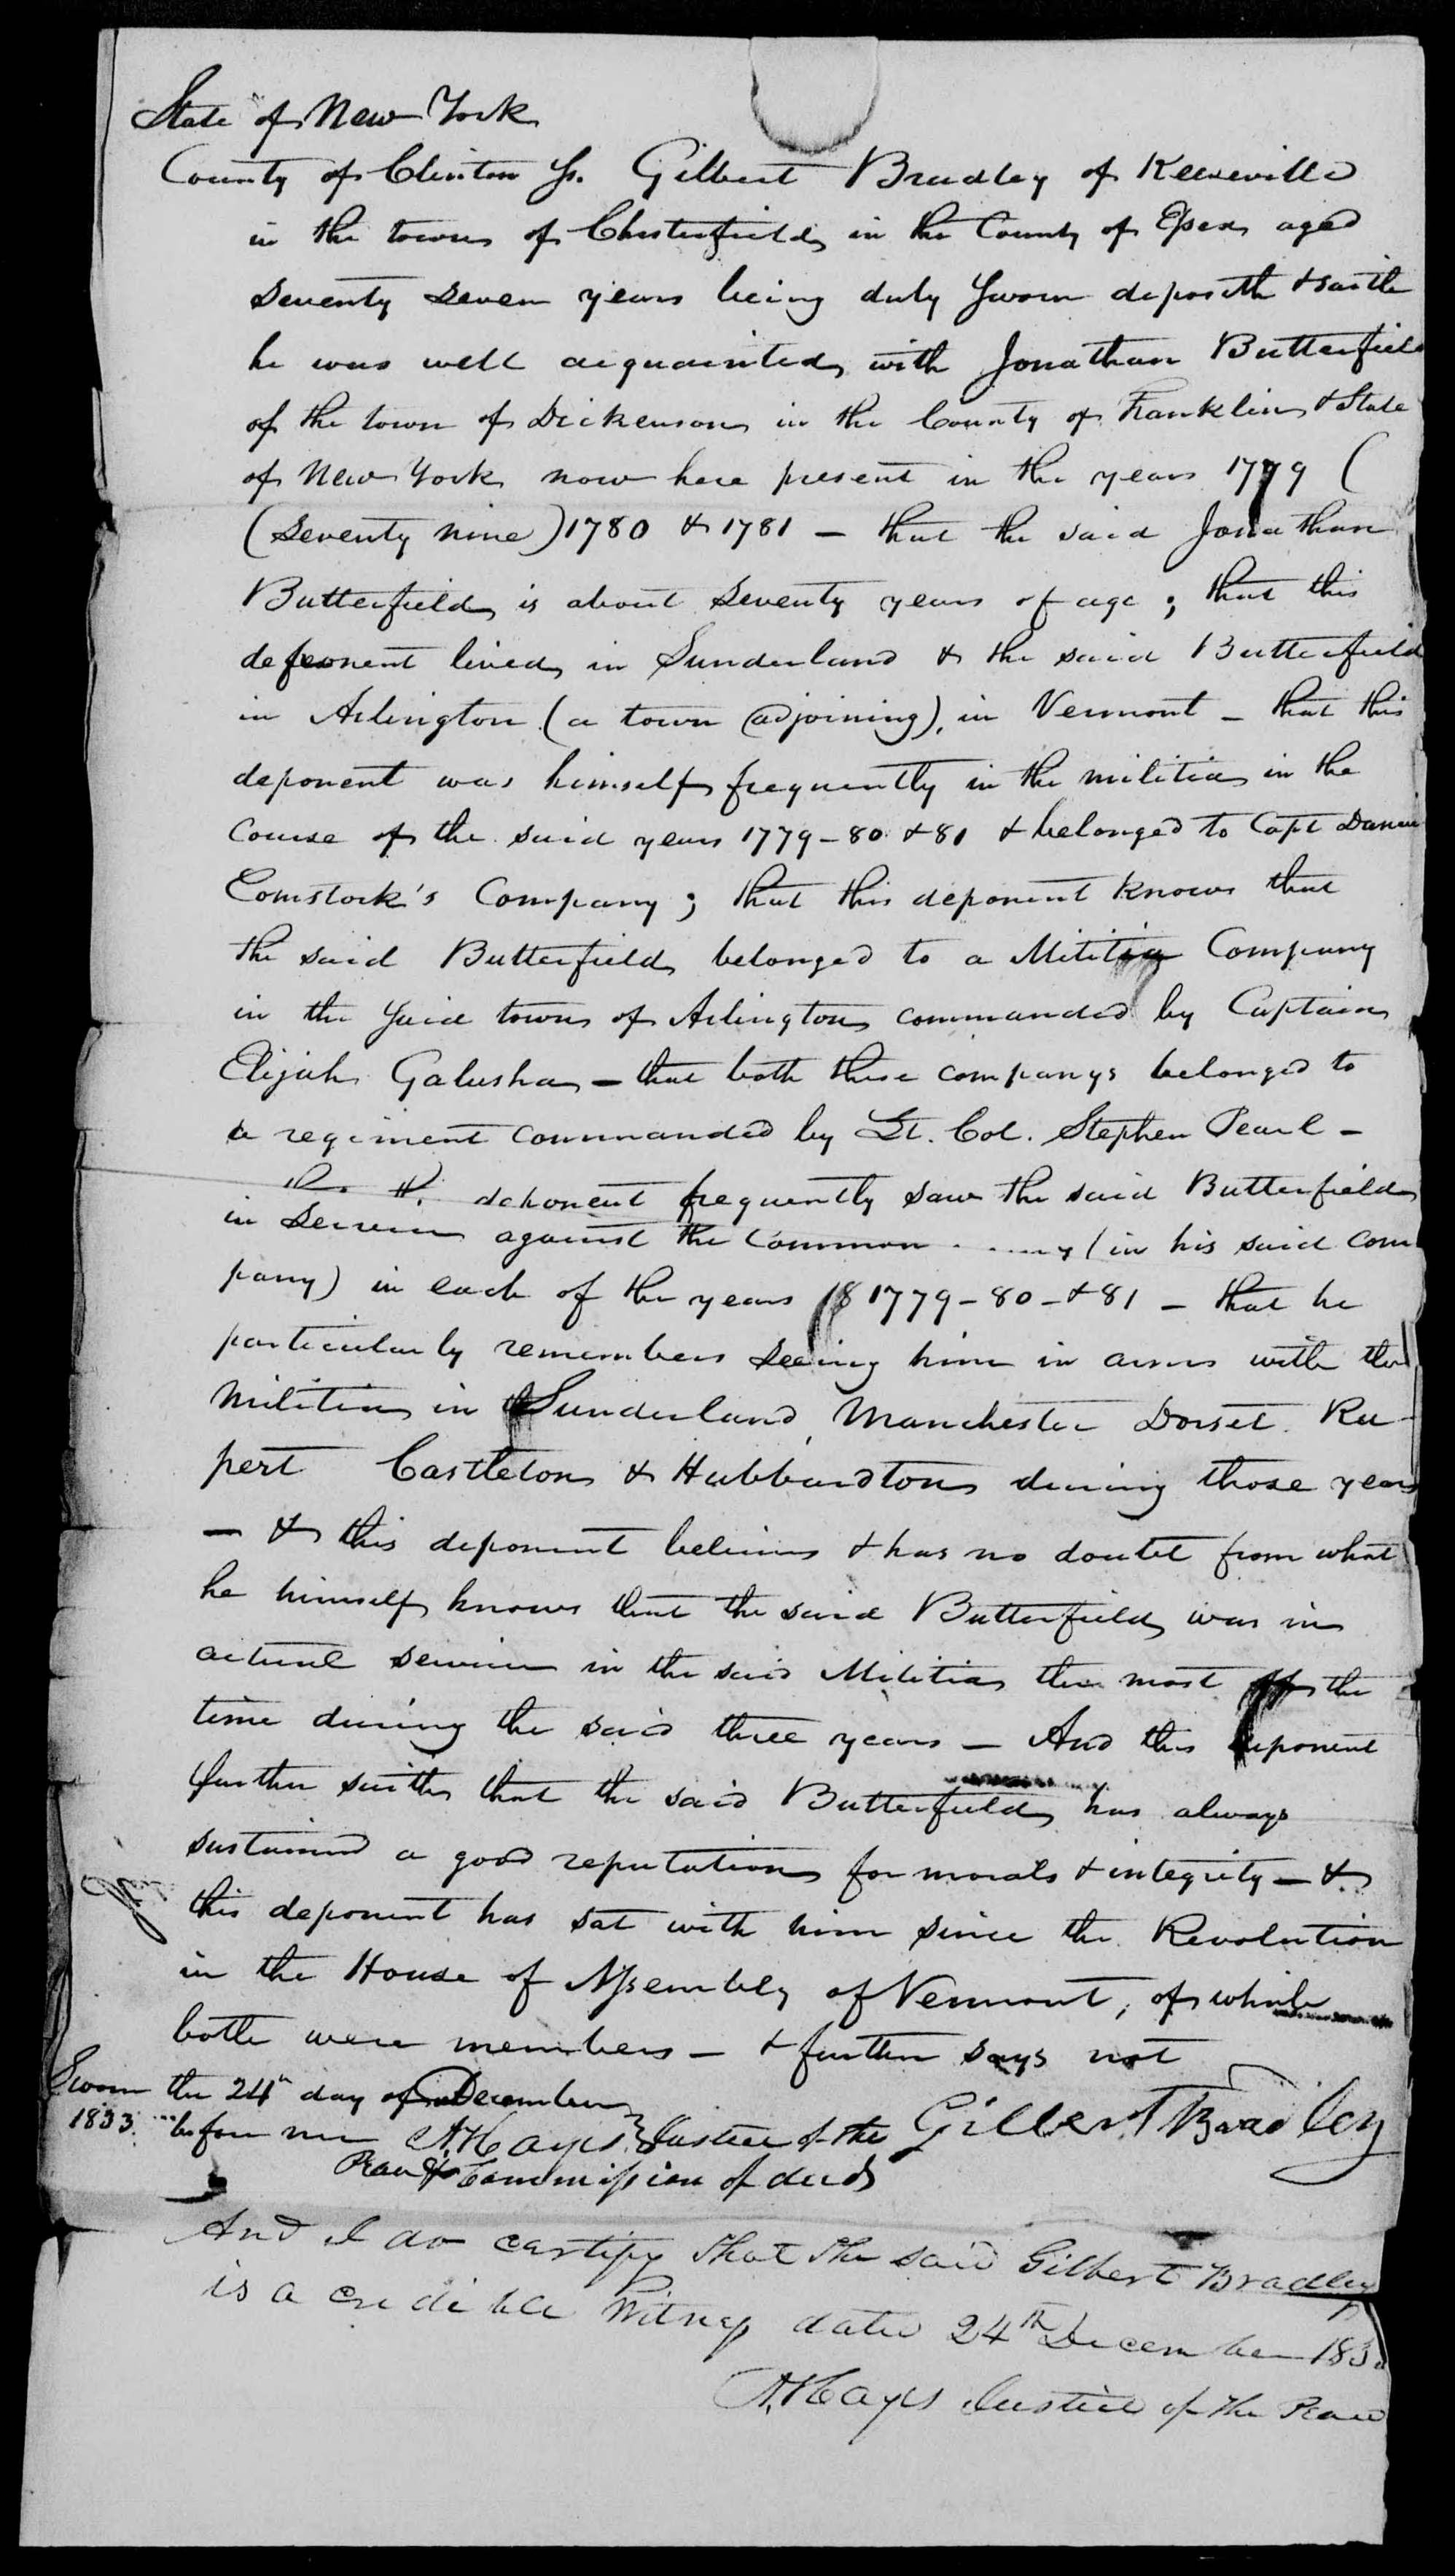State of New York
County of Clinton Ss. 
Gilbert Bradley of Renville in the town of Chesterfield in the County of Essex aged Seventy seven years being duly sworn  deposeth & saith he was well acquainted with Jonathan Butterfield  of the town of Dickenson in the County of Franklin & State of New York now here present in the year 1779, 1780 & 1781 - that the said Jonathan
Butterfield is about Seventy years of age; that this
& deponent lived in Sunderland & the said Butterfield in Arlington (a town adjoining), in  Vermont - that this deponent was himself frequently in the militia in the course of the said year 1779 -80 & 81 & belonged to Capt Dance
Comstock's Company; that this deponent knows that the said Butterfield belonged to a Militia Company in the said town of Arlington commanded by Captain Elijah Galusha that both these company belonged to a regiment commanded by Lt. Col. Stephen Pearl, deponent frequently saw the said Butterfield in service against the Common enemy in his said company in each of the year 181779.80 & 81. that he particularly remembers seeing him in arms with the
militia in Sunderland Manchester Dorsel R
part Castleton & Hubbardton during those years
& this deponent believes & has no doubt from what he himself knows that the said Butterfield was in actual service in the said Militia the most of the 
time during the said three years. And this deponent
further saith that the said Butterfield has always
sustained a good reputation for morals & integrity & this deponent has sat with him since the Revolution in the House of Assembly of Vermont; of which both were members - & further says not
                                        Gilbert Bradley

Sworn this day the 24th day of December
before me, A Hayes, Justice of the Gilbert Bradley
Peace & Commission of deed. And I do certify that the said Gilbert Bradley is a credible witness dated 24th December 1832
                              A. Hayes, Justice of the Peace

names: Jonathan Butterfield, Gilbert Bradley, Butterfield, Butterfield, Butterfield, Butterfield, Stephen Pearl, Jonathan Butterfield, Gilbert Bradley, A Hayes, A Hayes, Gilbert Bradley, Butterfield, Elijah Galusha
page: 13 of 40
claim: rejected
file: R. 1558, Jonathan Butterfield, Mass. Vt.